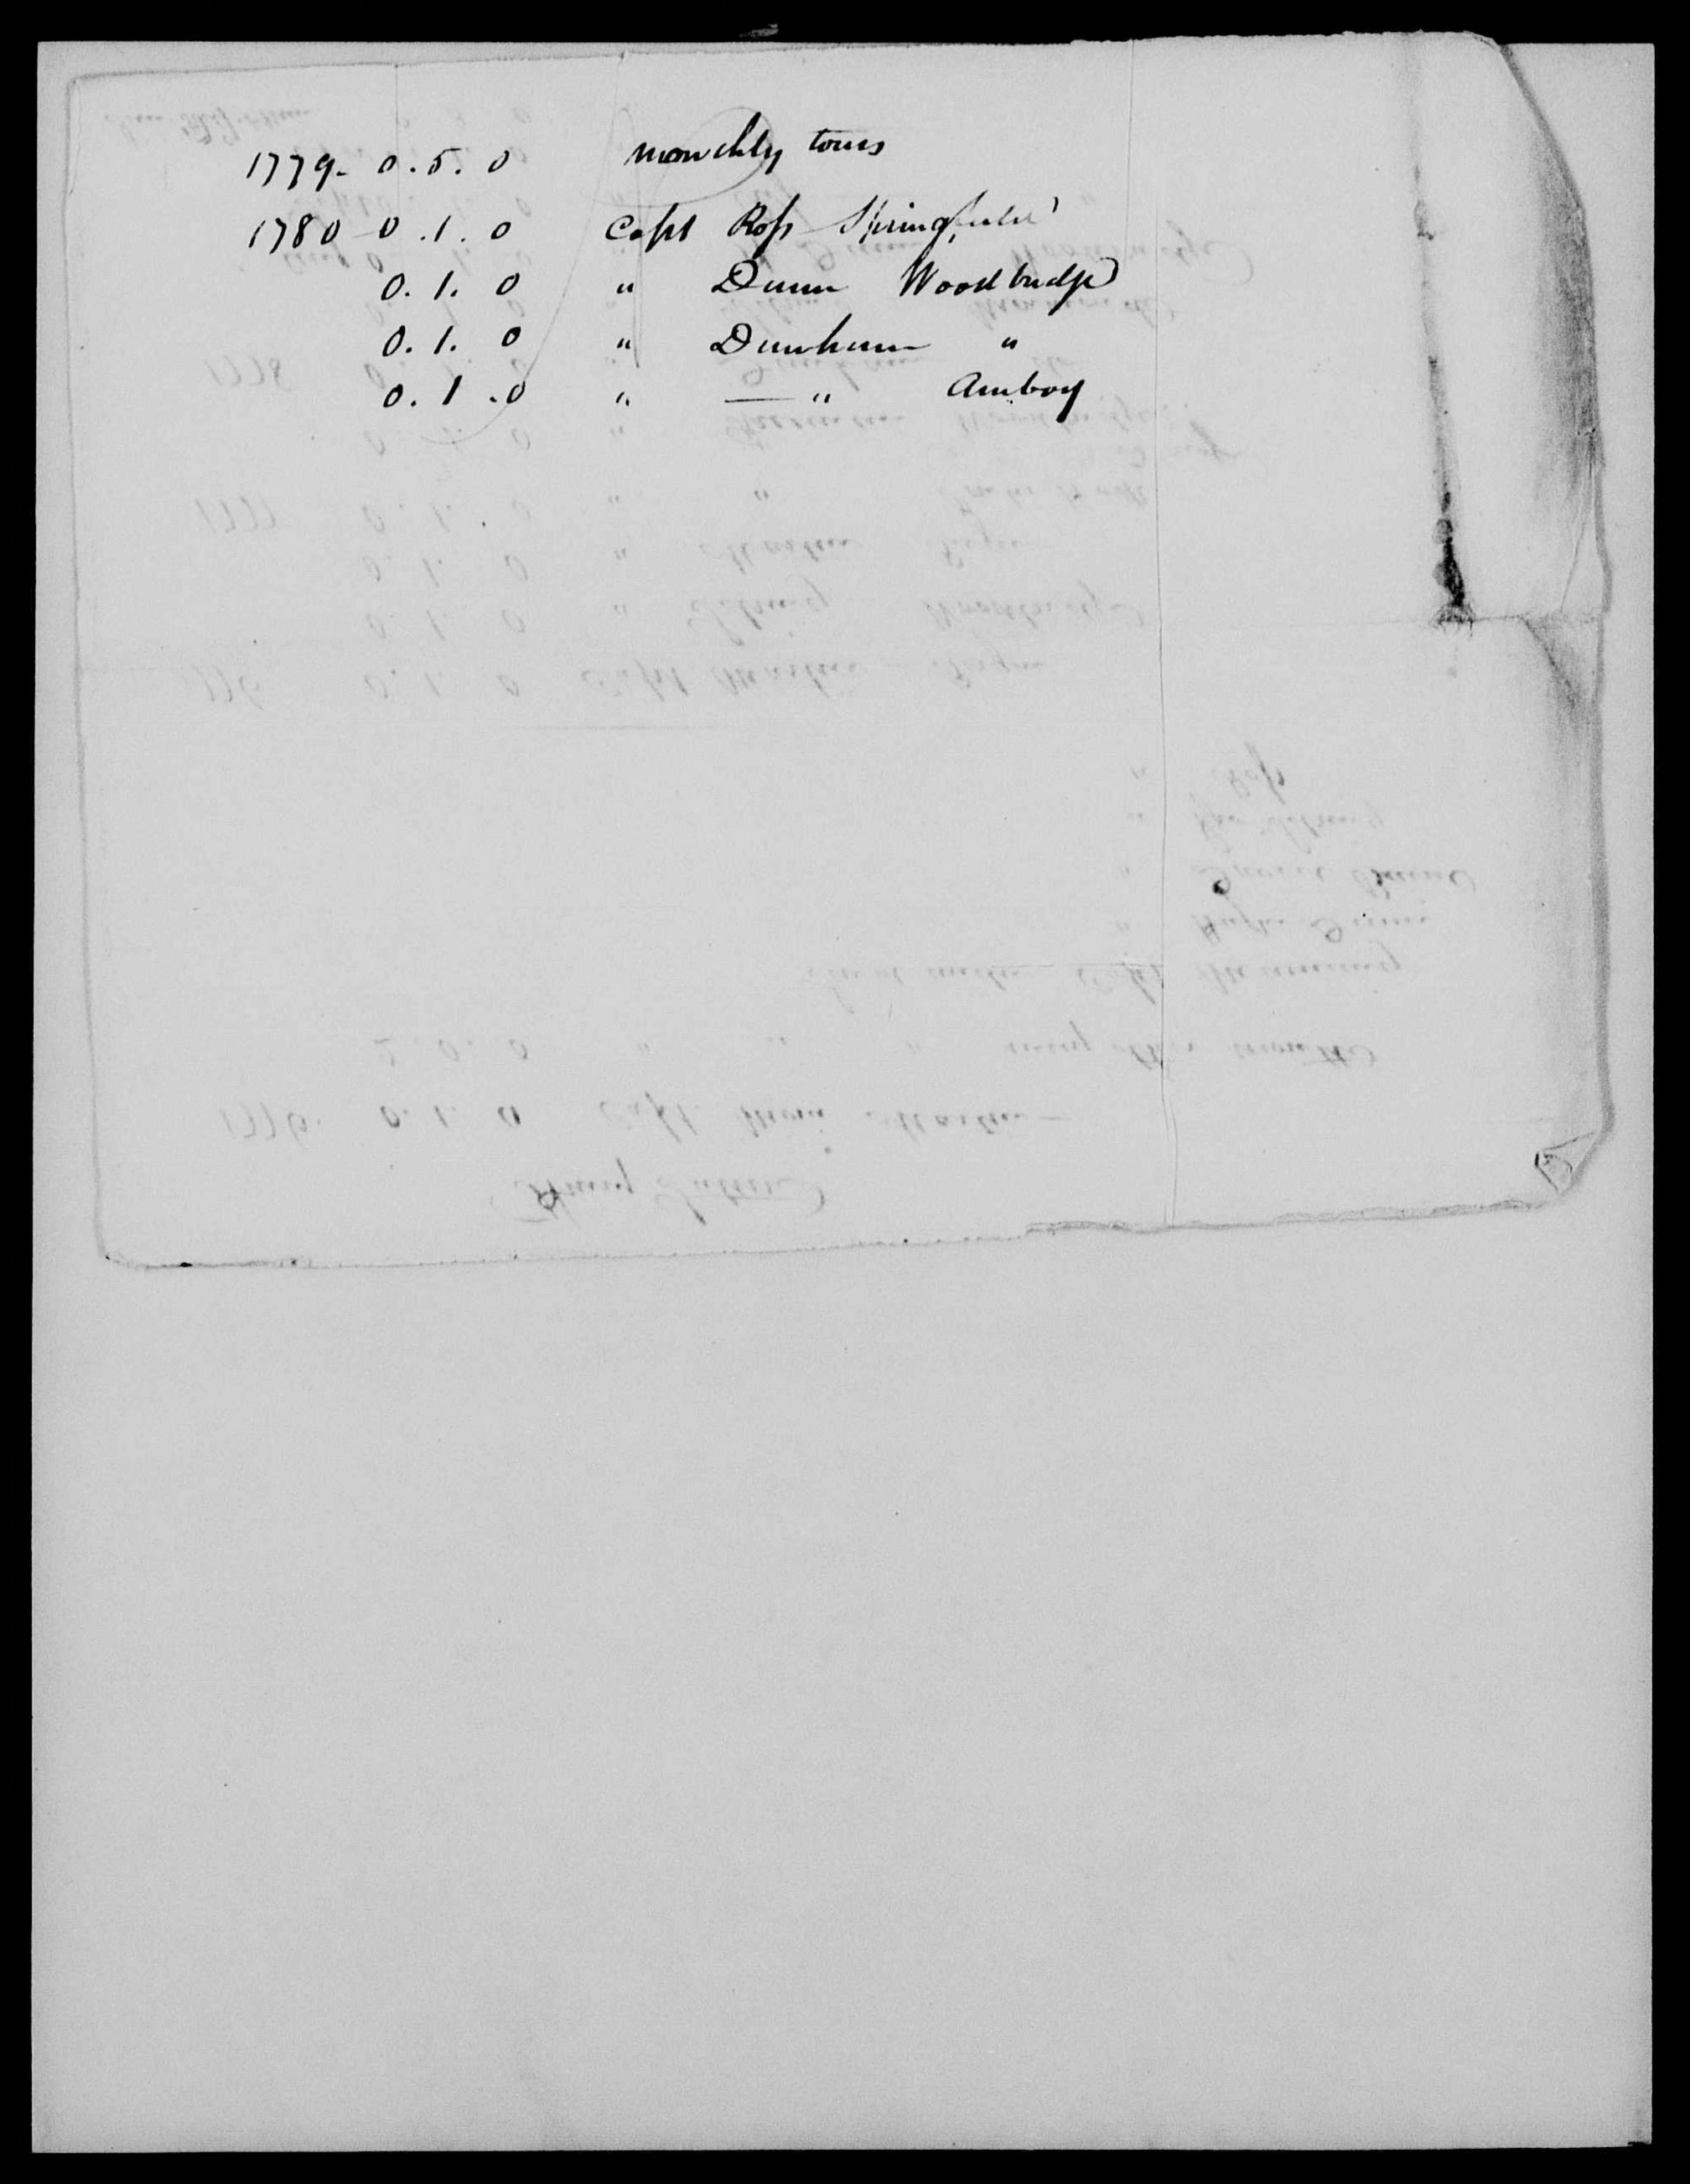1779 - 0.5.0        Monthly tours
1780   0.1.0         Capt. Ross Springfield
           0.1.0         Capt. Dunn  Woodbridge
           0.1.0         Capt.  Dunham  Woodbridge
           0.1.0         Capt. Dunham   Amboy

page: 20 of 33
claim: widow's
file: W. 5,665, for Stelle F Randolph, New Jersey